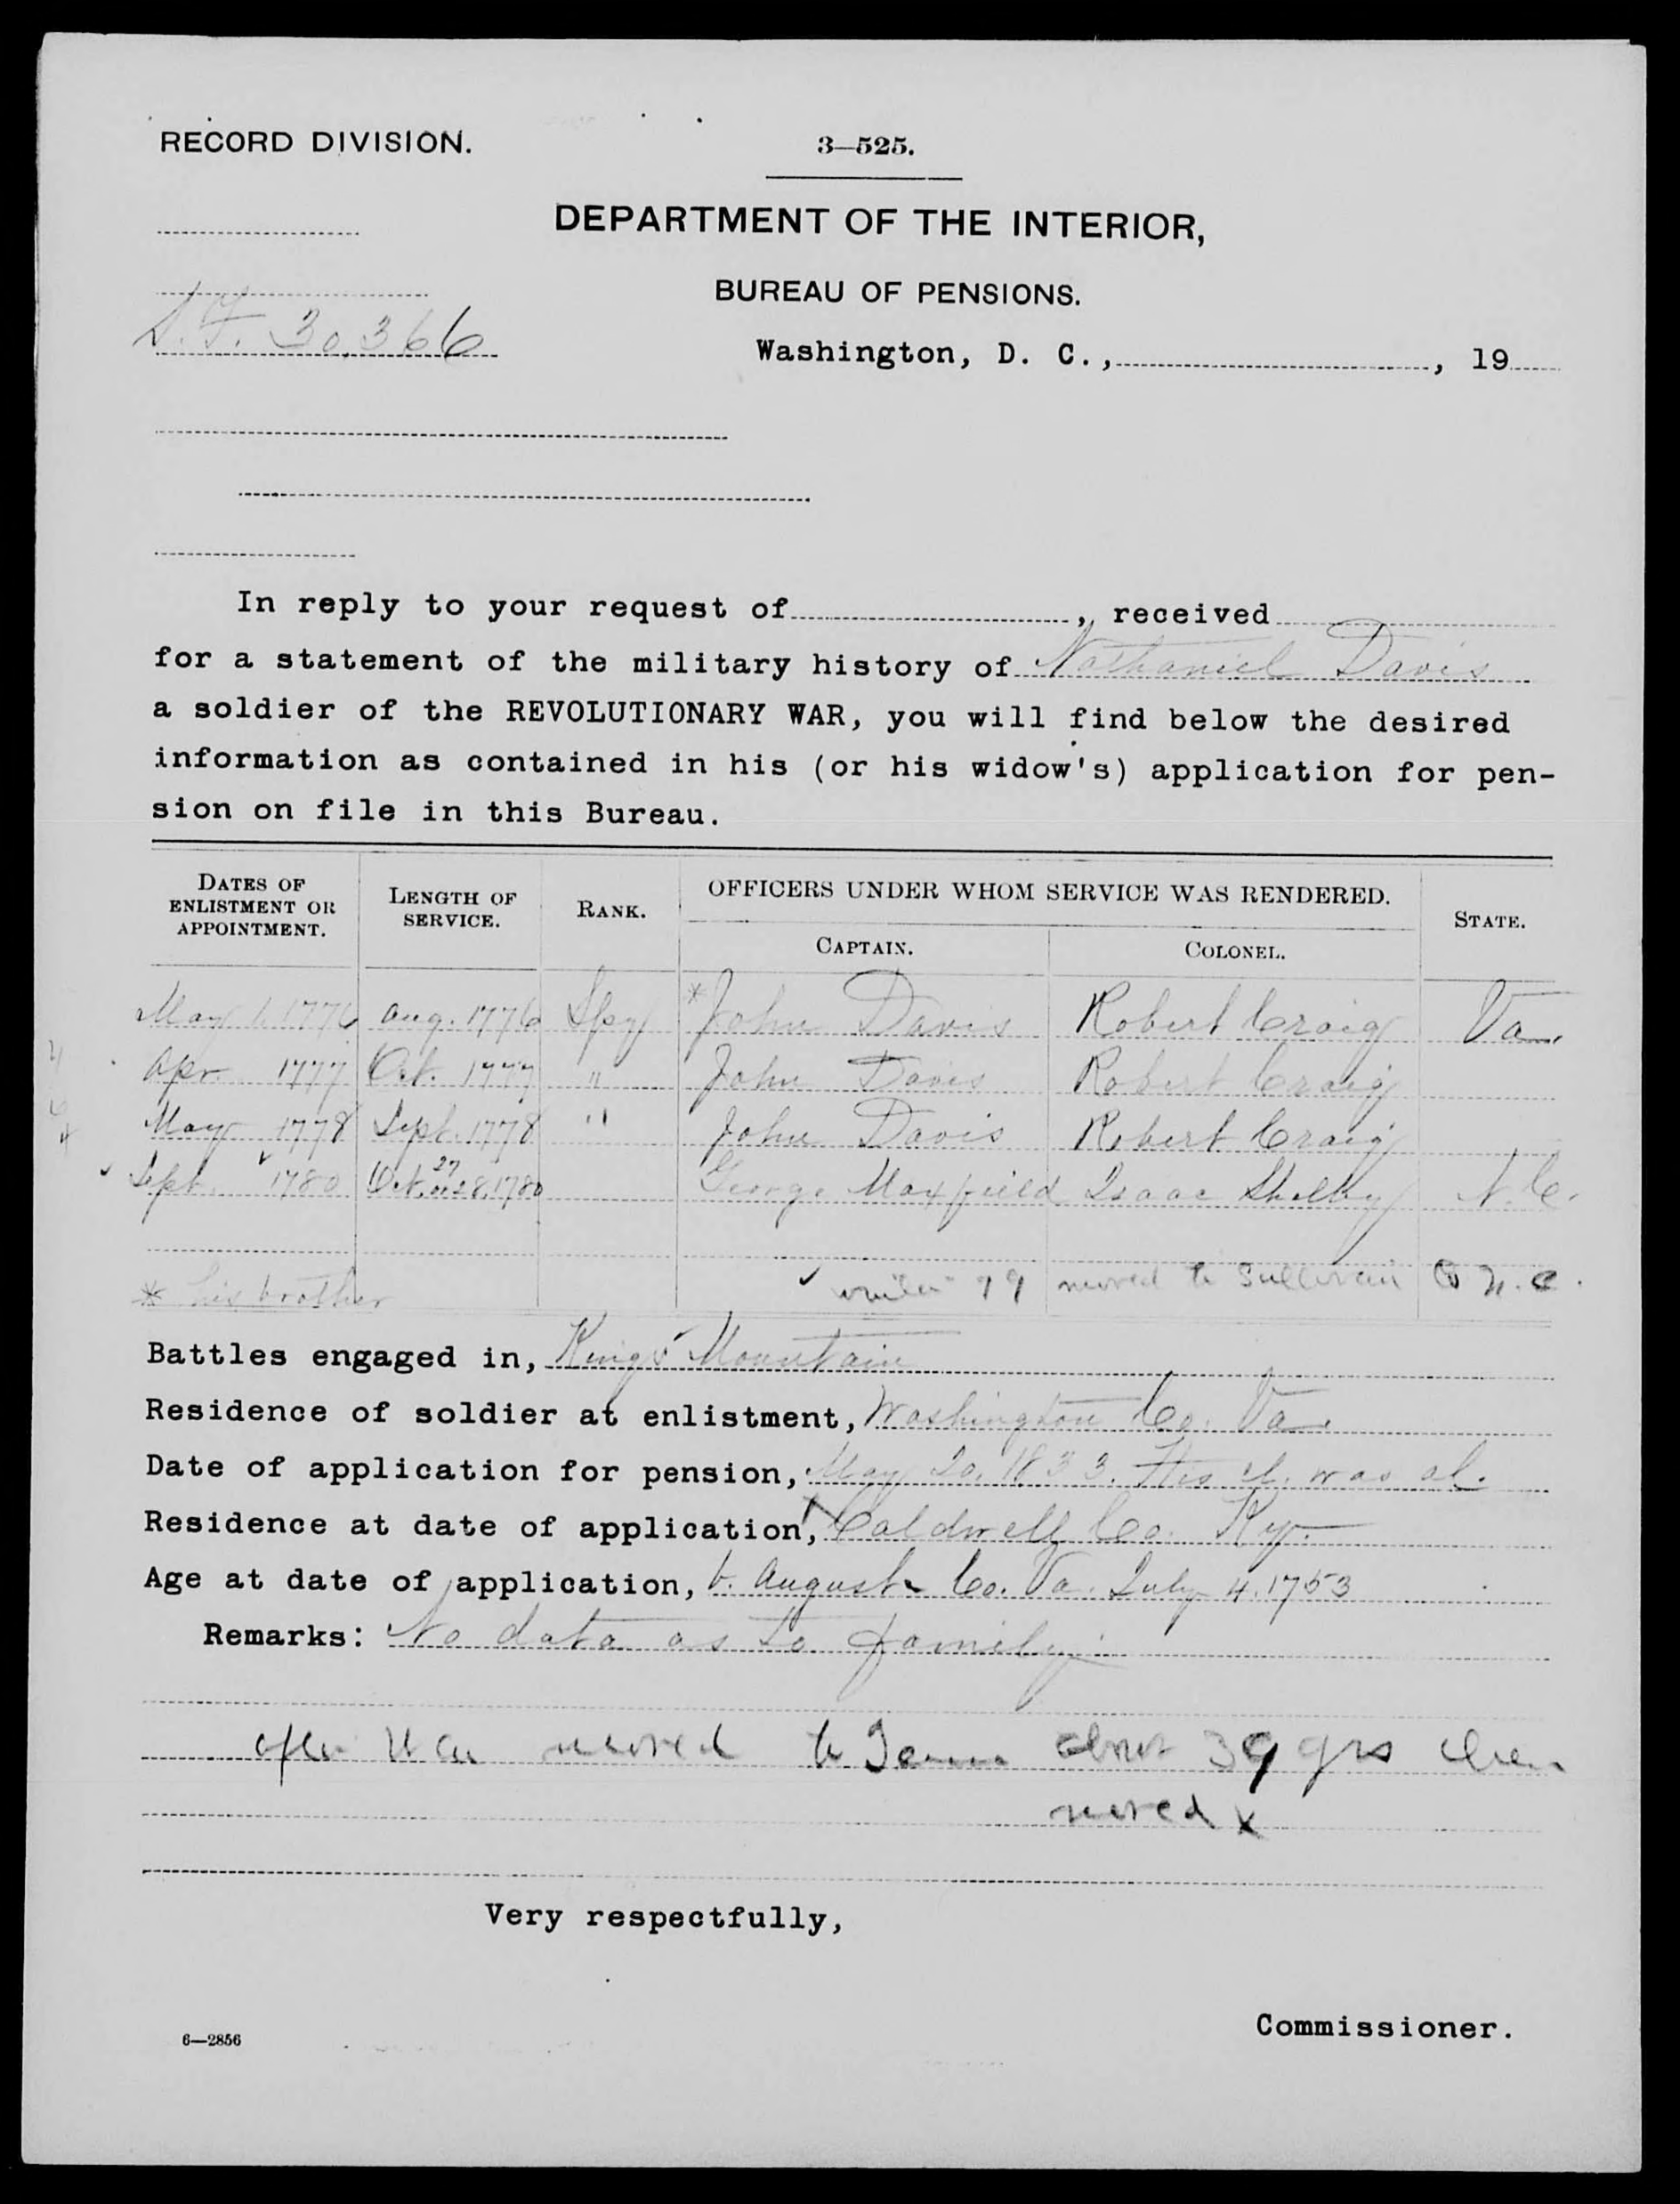RECORD DIVISION  3-525.
DEPARTMENT OF THE INTERIOR,
BUREAU OF PENSIONS.
S.F. 30,366  Washington, D. C., ___, 19__
In reply to our request of ___,  received ___ for a statement of the military history of Nathaniel Davie a soldier of the REVOLUTIONARY WAR, you will find below the desired information as contained in his (or his widow's) application for pension on file in the Bureau.

DATES OF ENLISTMENT OR APPOINTMENT.   |   LENGTH OF SERVICE.   |   RANK,   |   OFFICERS UNDER WHOM SERVICE WAS RENDERED.  |   STATE.
May 1, 1776   |   Aug. 1776   |   Spy  |   *Captain John Davis   |   Colonel Robert Craig   | Va.
Apr. 1777   |   Oct. 1777   |   "   |   John Davis   |   Robert Craig   |   ___
May 1778   |   Sept 1778   |   "   |   John Davis   | Robert Craig   |   ___
Sept. 1780   |   Oct 27 or 28, 1780   |   ___   |   George Maxfield   |   Isaac Shelby   |   N.C.
* his brother  winter 79 moved to Sullivan N. C.

Battles engaged in, Kings Mountain
Residence of soldier at enlistment, Washington Co. Va.
Date of application for pension, May 20, 1833. His cl. was al.
Residence at date of application Caldwell Co. Ky.
Age at date of application, b. Augusta Co. Va. July 4, 1753
Remarks: No data as to family.
after War moved to Tenn almost 39 yrs then moved
Very respectfully, Commissioner.
6-2856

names: John Davis, Nathaniel Davis, Robert Craig, John Davis, Robert Craig, Isaac Shelby, Robert Craig, George Maxfield, John Davis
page: 18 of 18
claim: survivor's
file: S. 30,366, Nathaniel Davis, N.C. Va.